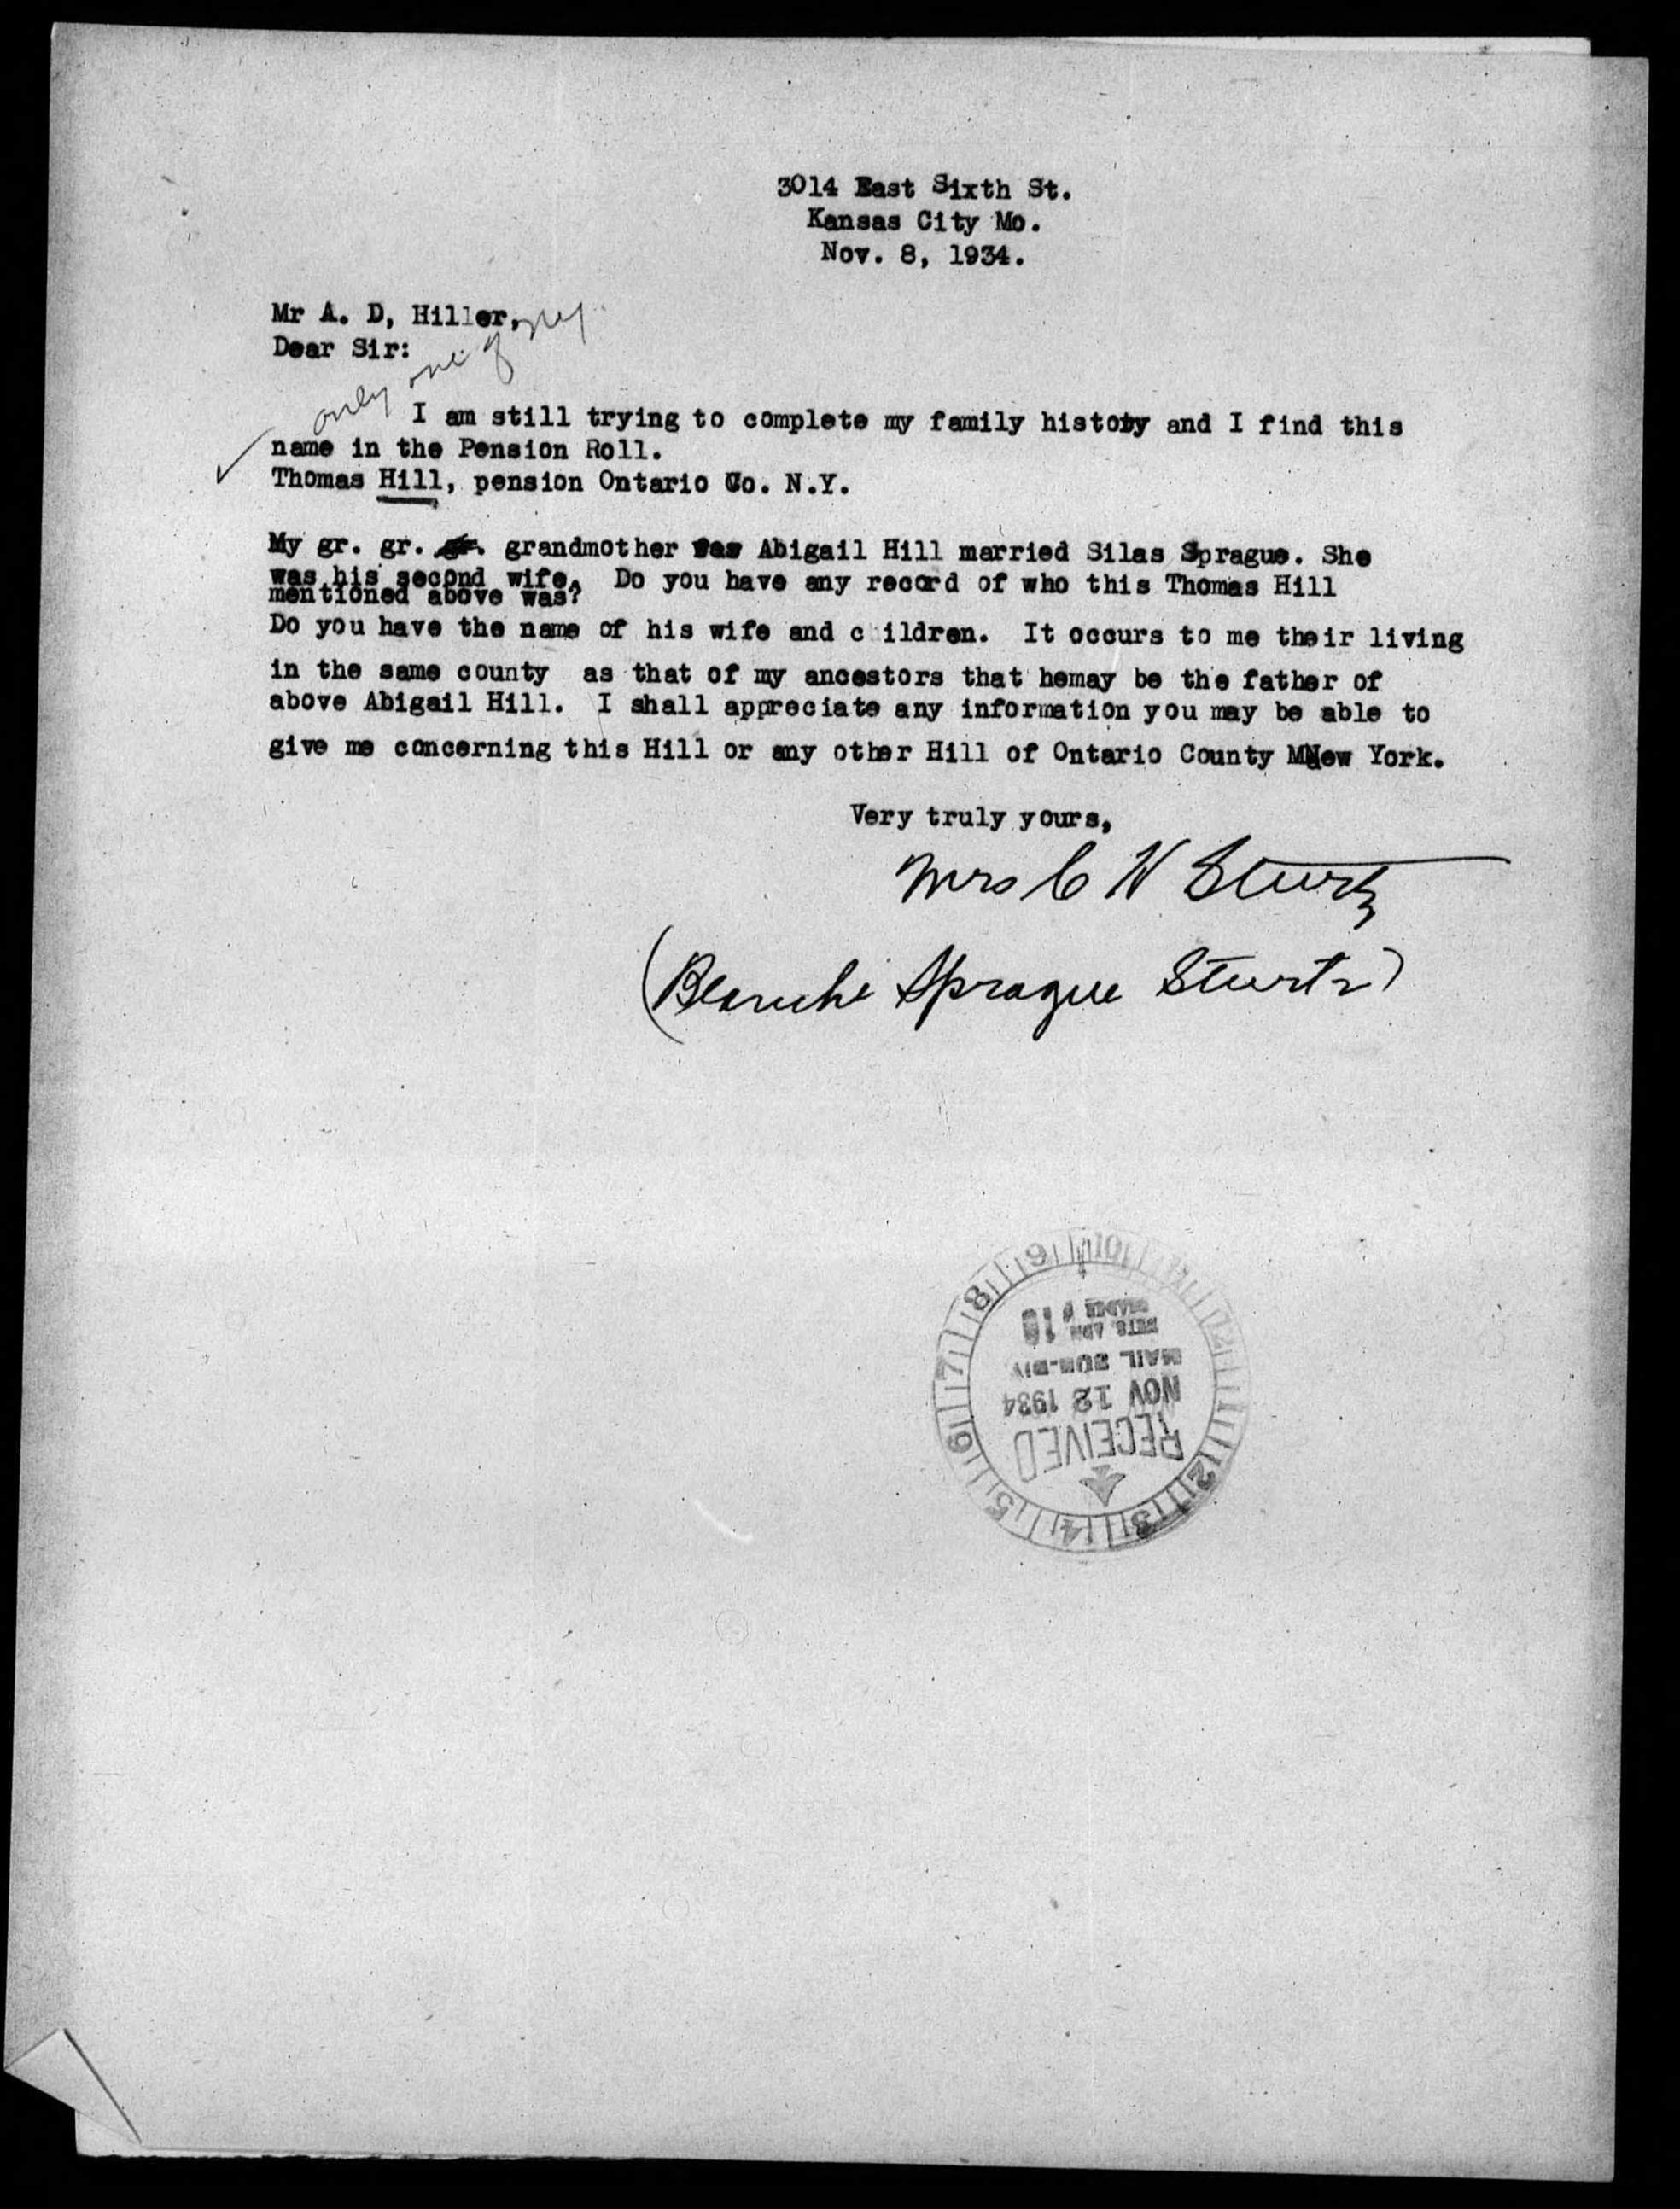[top of document, centered] 3014 East Sixth St. Kansas City Mo. Nov 8, 1934.
[left aligned] Mr. A. D, Hiller,
Dear Sir:

[indent] I am still trying to complete my family history [“r” in “history” smudged] and I find this name in the Pension Roll.
Thomas [underlined] Hill [end underline], pension Ontario Co [“C” covering ineligible letter]. N.Y.

Mr gr. gr. [scratched out third “gr.”] grandmother [scratched out, ineligible] Abigail Hill married Silas Sprague. She was his second wife. Do you have any record of who this Thomas Hill mentioned above was?
Do you have the name of his wife and c ildren. It occurs to me their living in the same county as that of my ancestors that hemay be the father of above Abigail Hill. I shall appreciate any information you may be able to give me concerning this Hill or any other Hill of Ontario County MNew York.
[center, slightly left] Very truly yours,
[underneath, handwritten] 
[Ineligible] C H Sturtz ([Ineligible] Sprague Sturtz)
[bottom right stamp, upside down] RECEIVED NOV 12 1934 MAIL SUB-DIV [ineligible] 10
[end of letter]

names: Abigail Hill, Silas Sprague, Thomas Hill, A D Hiller, Hill, C H Sturtz, Hill, Blanche Sprague Sturtz, Thomas Hill, Abigail Hill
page: 27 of 31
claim: survivor's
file: S. 43672, Thomas Hill, New York